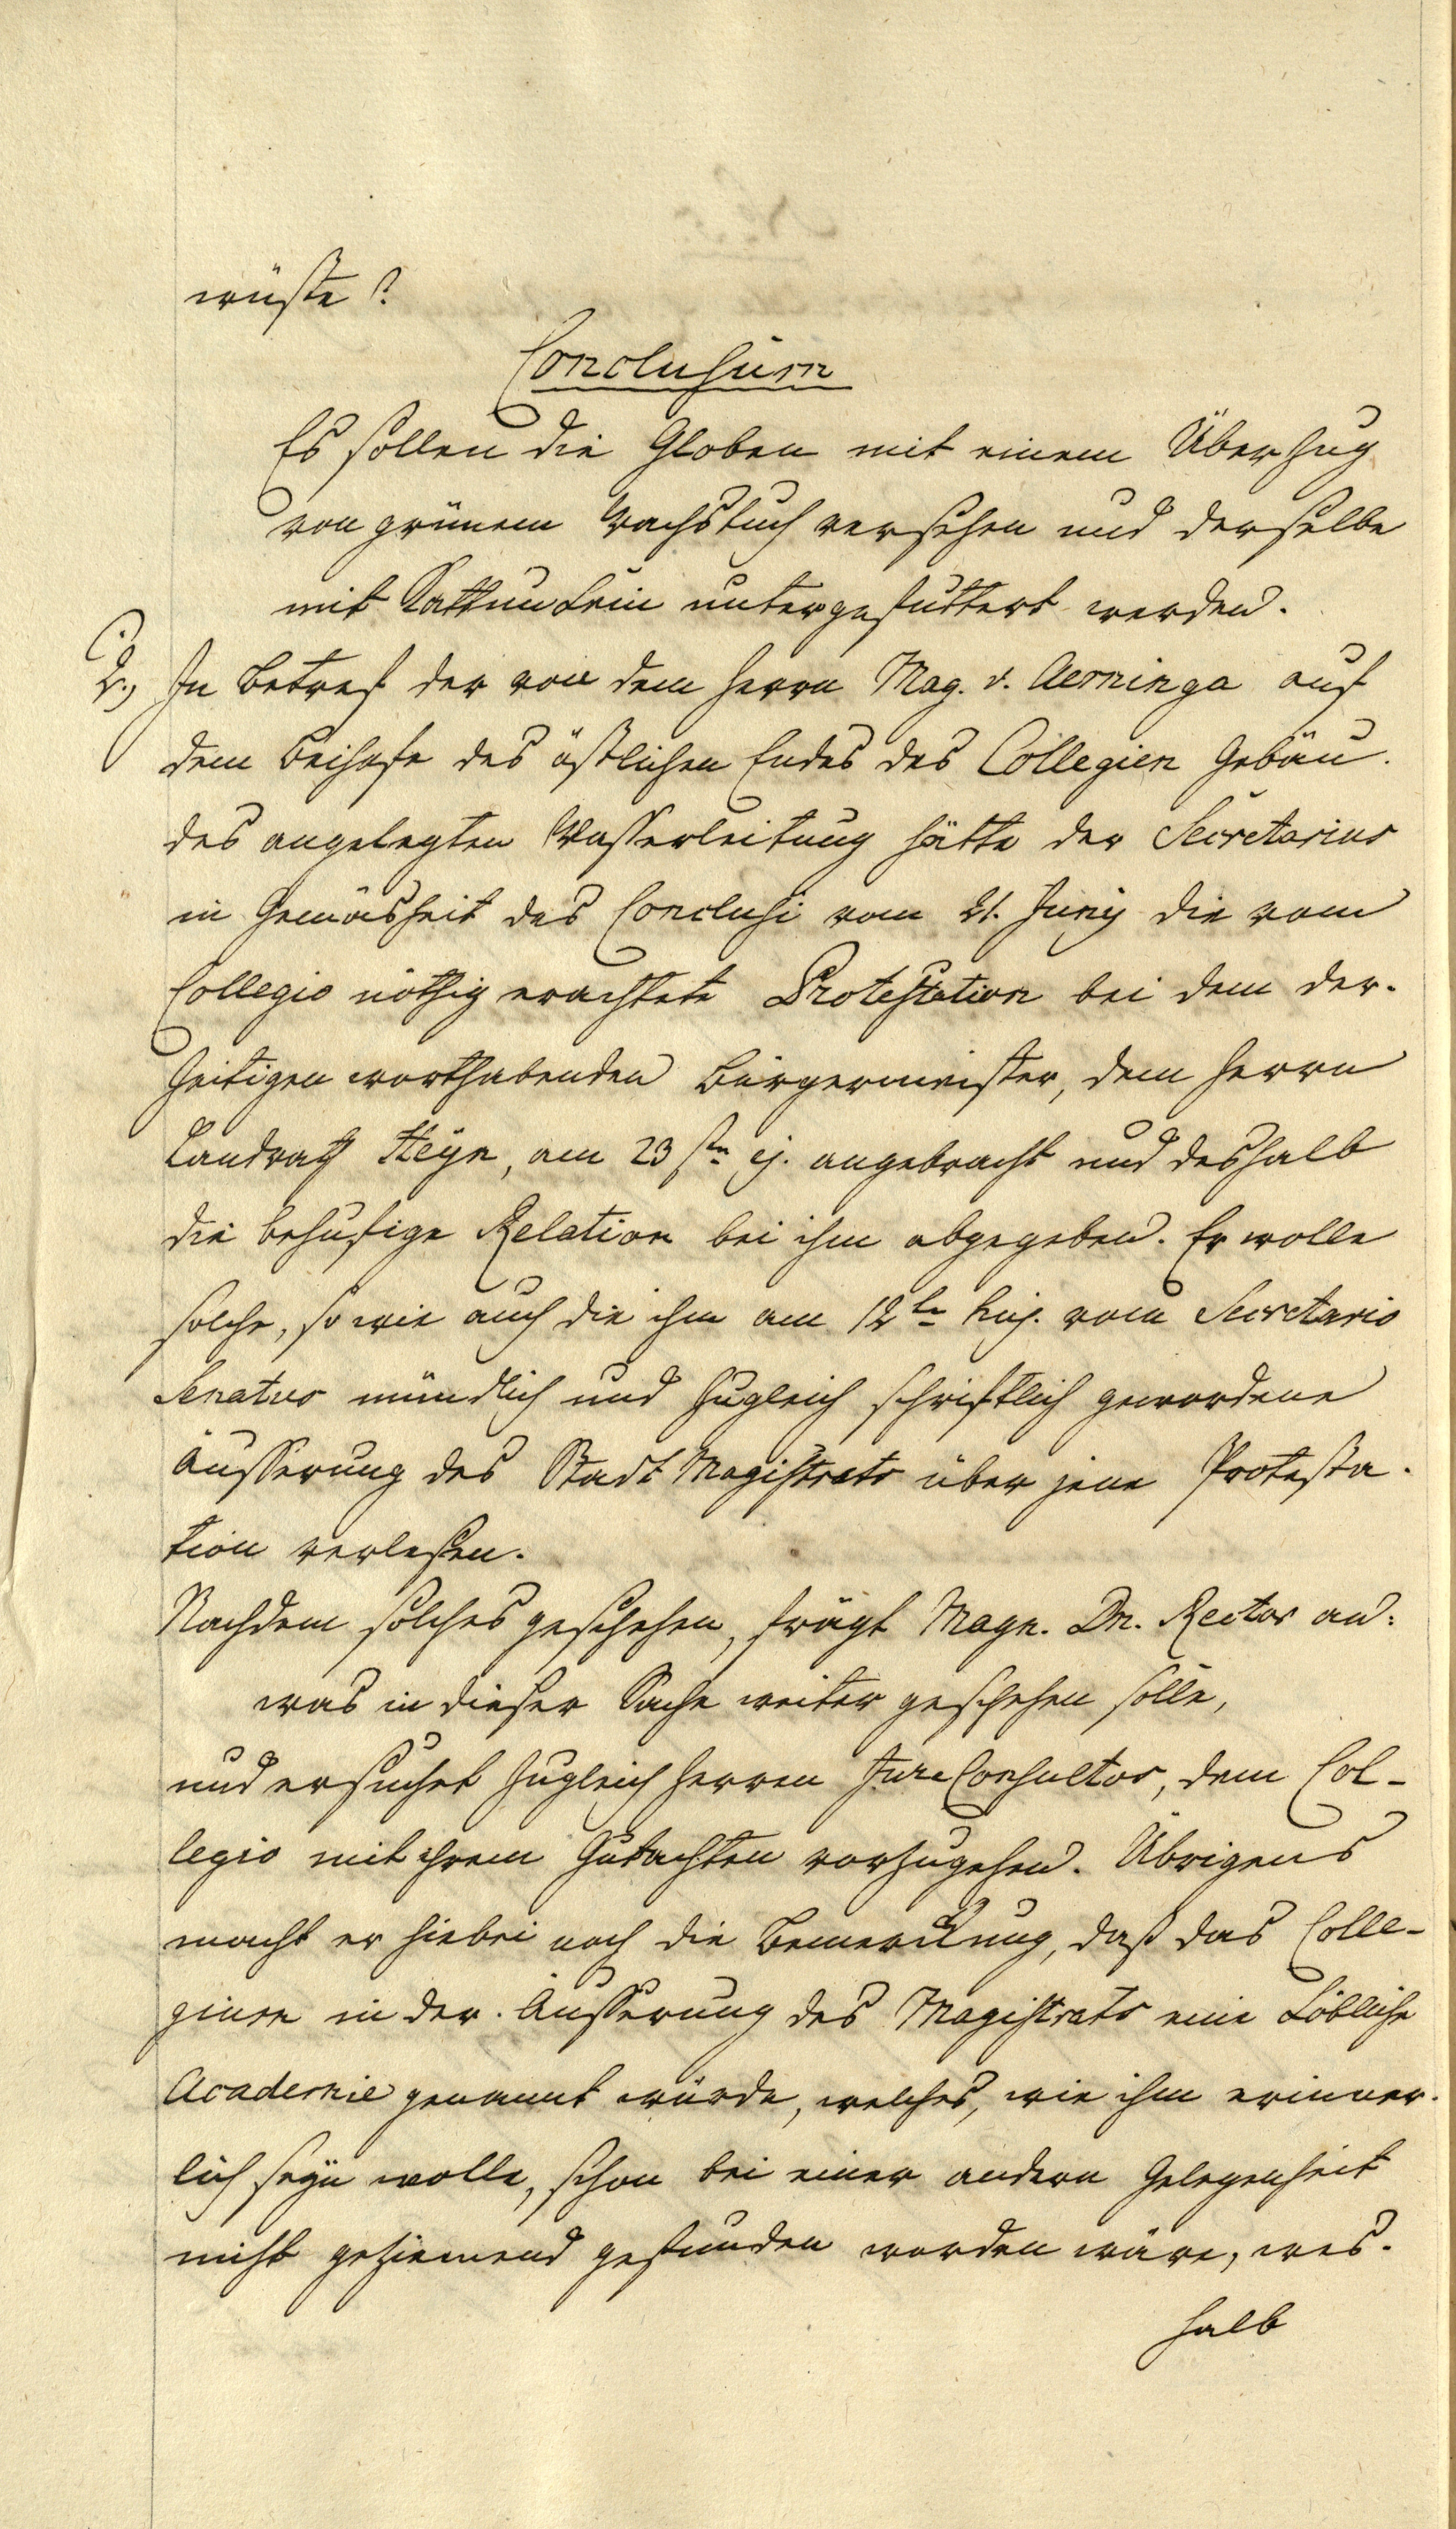wüßte?
Conclusum
Es sollen die Globen mit einem Überzug
von grünem Wachstuch versehen und derselbe
mit Kattun Lein untergefüttert werden.
2., In Betref der von dem Herrn Mag. v. Aeminga auf
dem Beihofe des östlichen Endes des Collegien Gebäu-
des angelegten Wasserleitung hätte der Secretarius
in Gemäsheit des Conclusi vom 21. Juny die vom
Collegio nöthig erachtete Protestation bei dem der-
zeitigen worthaltenden Büergermeister, dem Herrn
Landrath Heyn, am 23sten ej. angebracht und deshalb
die behufige Relation bei ihm abgegeben. Er wolle
solche, so wie auch die ihm am 12ten huj. vom Secretario
Senatus mündlich und zugleich schriftlich gewordene
Äusserung des Stadt Magistrats über jene Protesta-
tion verlesen.
Nachdem solches geschehen, frägt Magn. Dn. Rector an:
was in dieser Sache weiter geschehen solle,
und ersuchet zugleich Herren JureConsultos, dem Col-
legio mit ihrem Gutachten vorzugehen. Übrigens
macht er hiebei noch die Bemerkung, daß das Colle-
gium in der Äusserung des Magistrats eine Löbliche
Academie genant würde, welches, wie ihm erinner-
lich seyn wolle, schon bei einer andern Gelegenheit
nicht geziemend gefunden worden wäre, wes-
halb